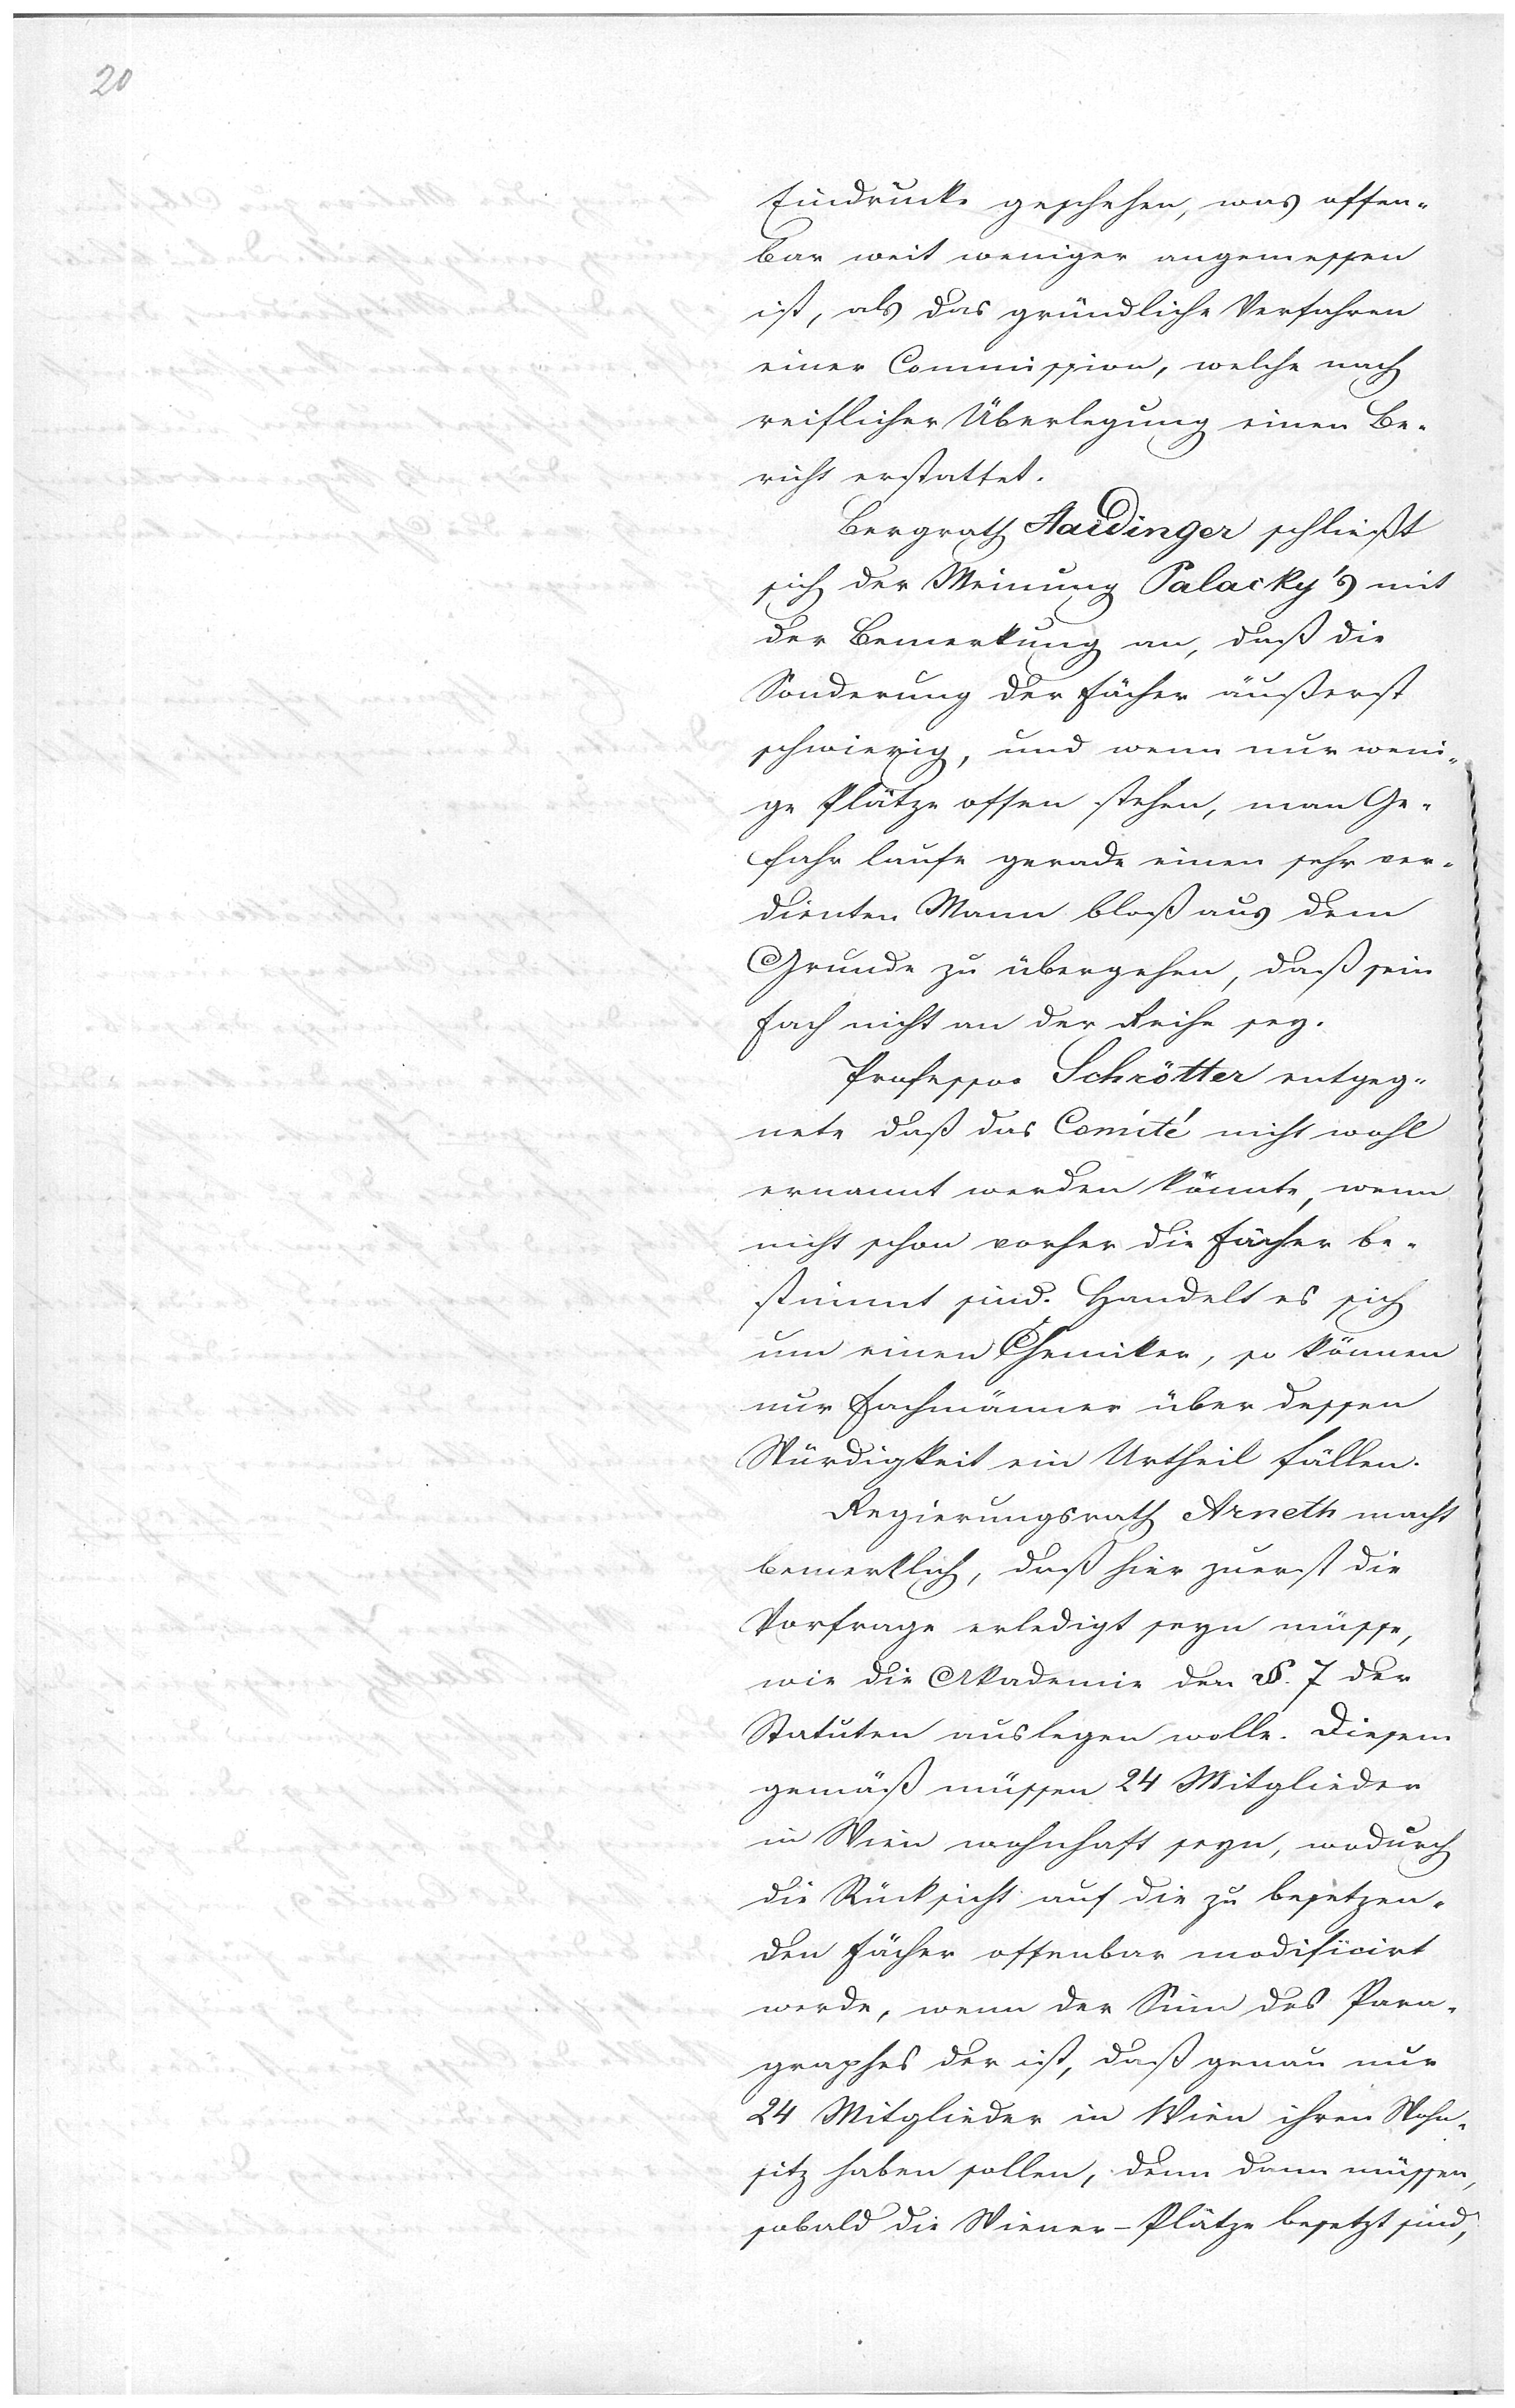Eindrucke geschehen, was offen-
bar weit weniger angemessen
ist, als das gründliche Verfahren
einer Commission, welche nach
reiflicher Überlegung einen Be-
recht erstattet.
Bergrath Haidinger schließt
sich der Meinung Palacky's mit
der Bemerkung an, daß die
Sonderung der Fächer äußert
schwierig, und wenn nur weni-
ge Plätze offen stehen, man Ge-
fahr laufe gerade einen sehr ver-
dienten Mann bloß aus dem
Grunde zu übergehen, daß sein
Fach nicht an der Reihe sey.
Professor Schrötter entgeg-
nete daß des Comité nicht wohl
ernannt werden könnte, wenn
nicht schon vorher die Fächer be-
stimmt sind. Handelt es sich
um einen Chemiker, so können
nur Fachmänner über dessen
Würdigkeit ein Urtheil fällen.
Regierungsrath Arneth macht
bemerklich, daß hier zuerst die
Vorfrage erledigt seyn müsse,
wie die Akademie den § 7 der
Statuten auslegen wolle. Diesem
gemäß müssen 24 Mitglieder
in Wien wohnhaft seyn, wodurch
die Rücksicht auf die zu besetzen-
den Fächer offenbar modificirt
werde, wenn der Sinn des Para-
graphes der ist, daß genau nur
24 Mitglieder in Wien ihren Wohn-
sizt haben sollen, denn dann müssen,
sobald die Wiener-Plätze besetzt sind,